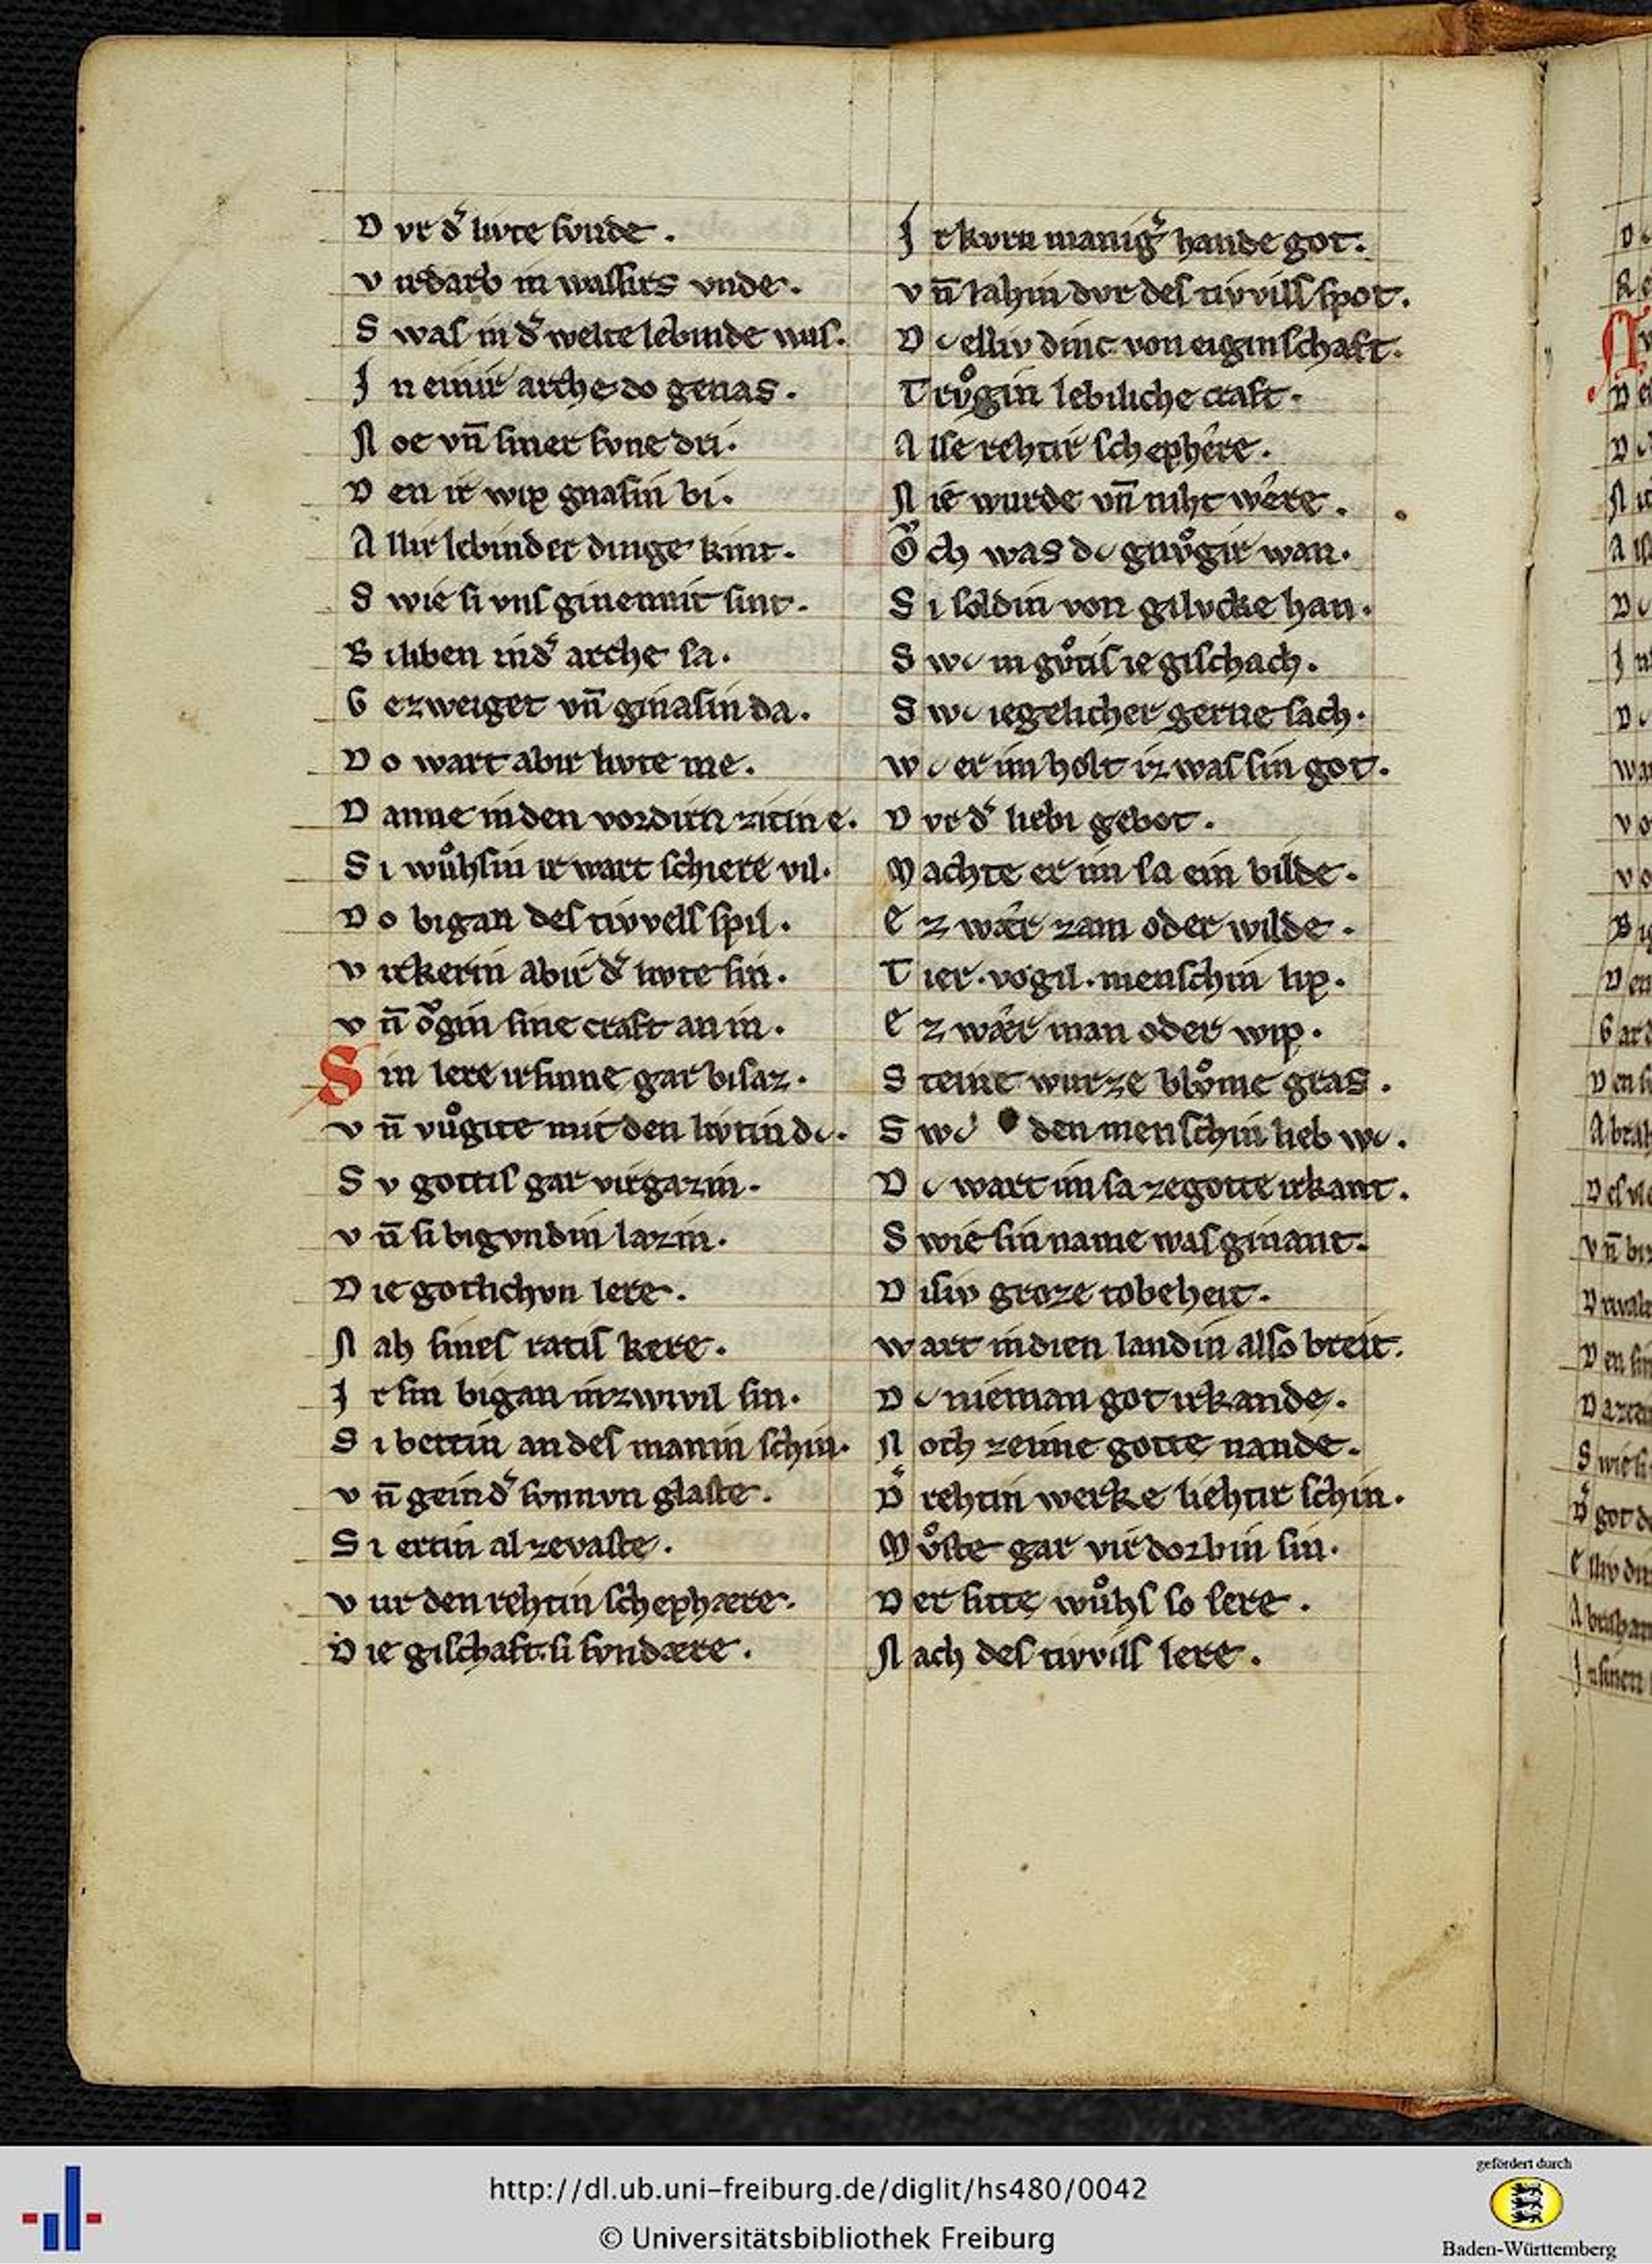Dvr d(er) livte ſvnde.
Virdarb in waſſirs vnde.
Swaſ in d(er) welte lebinde waſ.
In einir arche do genas.
Noe vn(d) ſiner ſvne dri.
Den ir wip gnaſin bi.
Allir lebinder dinge kint.
Swie ſi vnſ ginennit ſint.
Biliben ind(er) arche ſa.
Gezweiget vn(d) ginaſin da.
Do wart abir livte me.
Danne in den vordirn zitin e.
Si wu°ohſin ir wart ſchiere vil.
Do bigan deſ tivvelſ ſpil.
Virkerin abir d(er) livte ſin.
Vn(d) o°vgin ſine craft an in.
*Sin lere irſinne gar biſaz.
Vn(d) vu°ogite mit den livtin d(az).
Sv gottiſ gar virgazin.
Vn(d) ſi bigvndin lazin.
Die gotlichvn lere.
Nah ſineſ ratiſ kere.
Ir ſin bigan inzwivil ſin.
Si bettin an deſ manin ſchin.
Vn(d) geind(er) ſvnnvn glaſte.
Si ertin al zevaſte.
Vur den rehtin ſcheph[ae]re.
Die giſchaft ſi ſvnd[ae]re.
Irkvrn manig(er) hande got.
Vn(d) iahin dvr deſ tivvilſ ſpot.
D(az) elliv dinc von eiginſchaft.
Trv°ogin lebiliche craft.
Alſe rehtir ſchephere.
Nie wurde vn(d) nicht were.
O°vch was d(az) gnv°ogir wan.
Si ſoldin von gilvcke han.
Sw(az) in gv°otiſ ie giſchach.
Sw(az) iegelicher gerne ſach.
W(az) er im holt iz waſ ſin got.
Dvr d(er) liebi gebot.
Machte er im ſah ein bilde.
Ez w[ae]r zam oder wilde.
Tier. vogil. menſchin lip.
Ez w[ae]r man oder wip.
Steine wurze blv°ome gras.
Sw(az) den menſchin lieb w(az).
D(az) wart im ſa zegotte irkant.
Swie ſin name waſ ginant.
Diſiv groze tobeheit.
Wart indien landin alſo breit.
D(az) nieman got irkande.
Noch zeime gotte nande.
D(er) rehtin werke liehtir ſchin.
Mv°oſte gar vir dorbin ſin.
Der ſitte wu°ohſ ſo ſere.
Nach deſ tivvilſ lere.